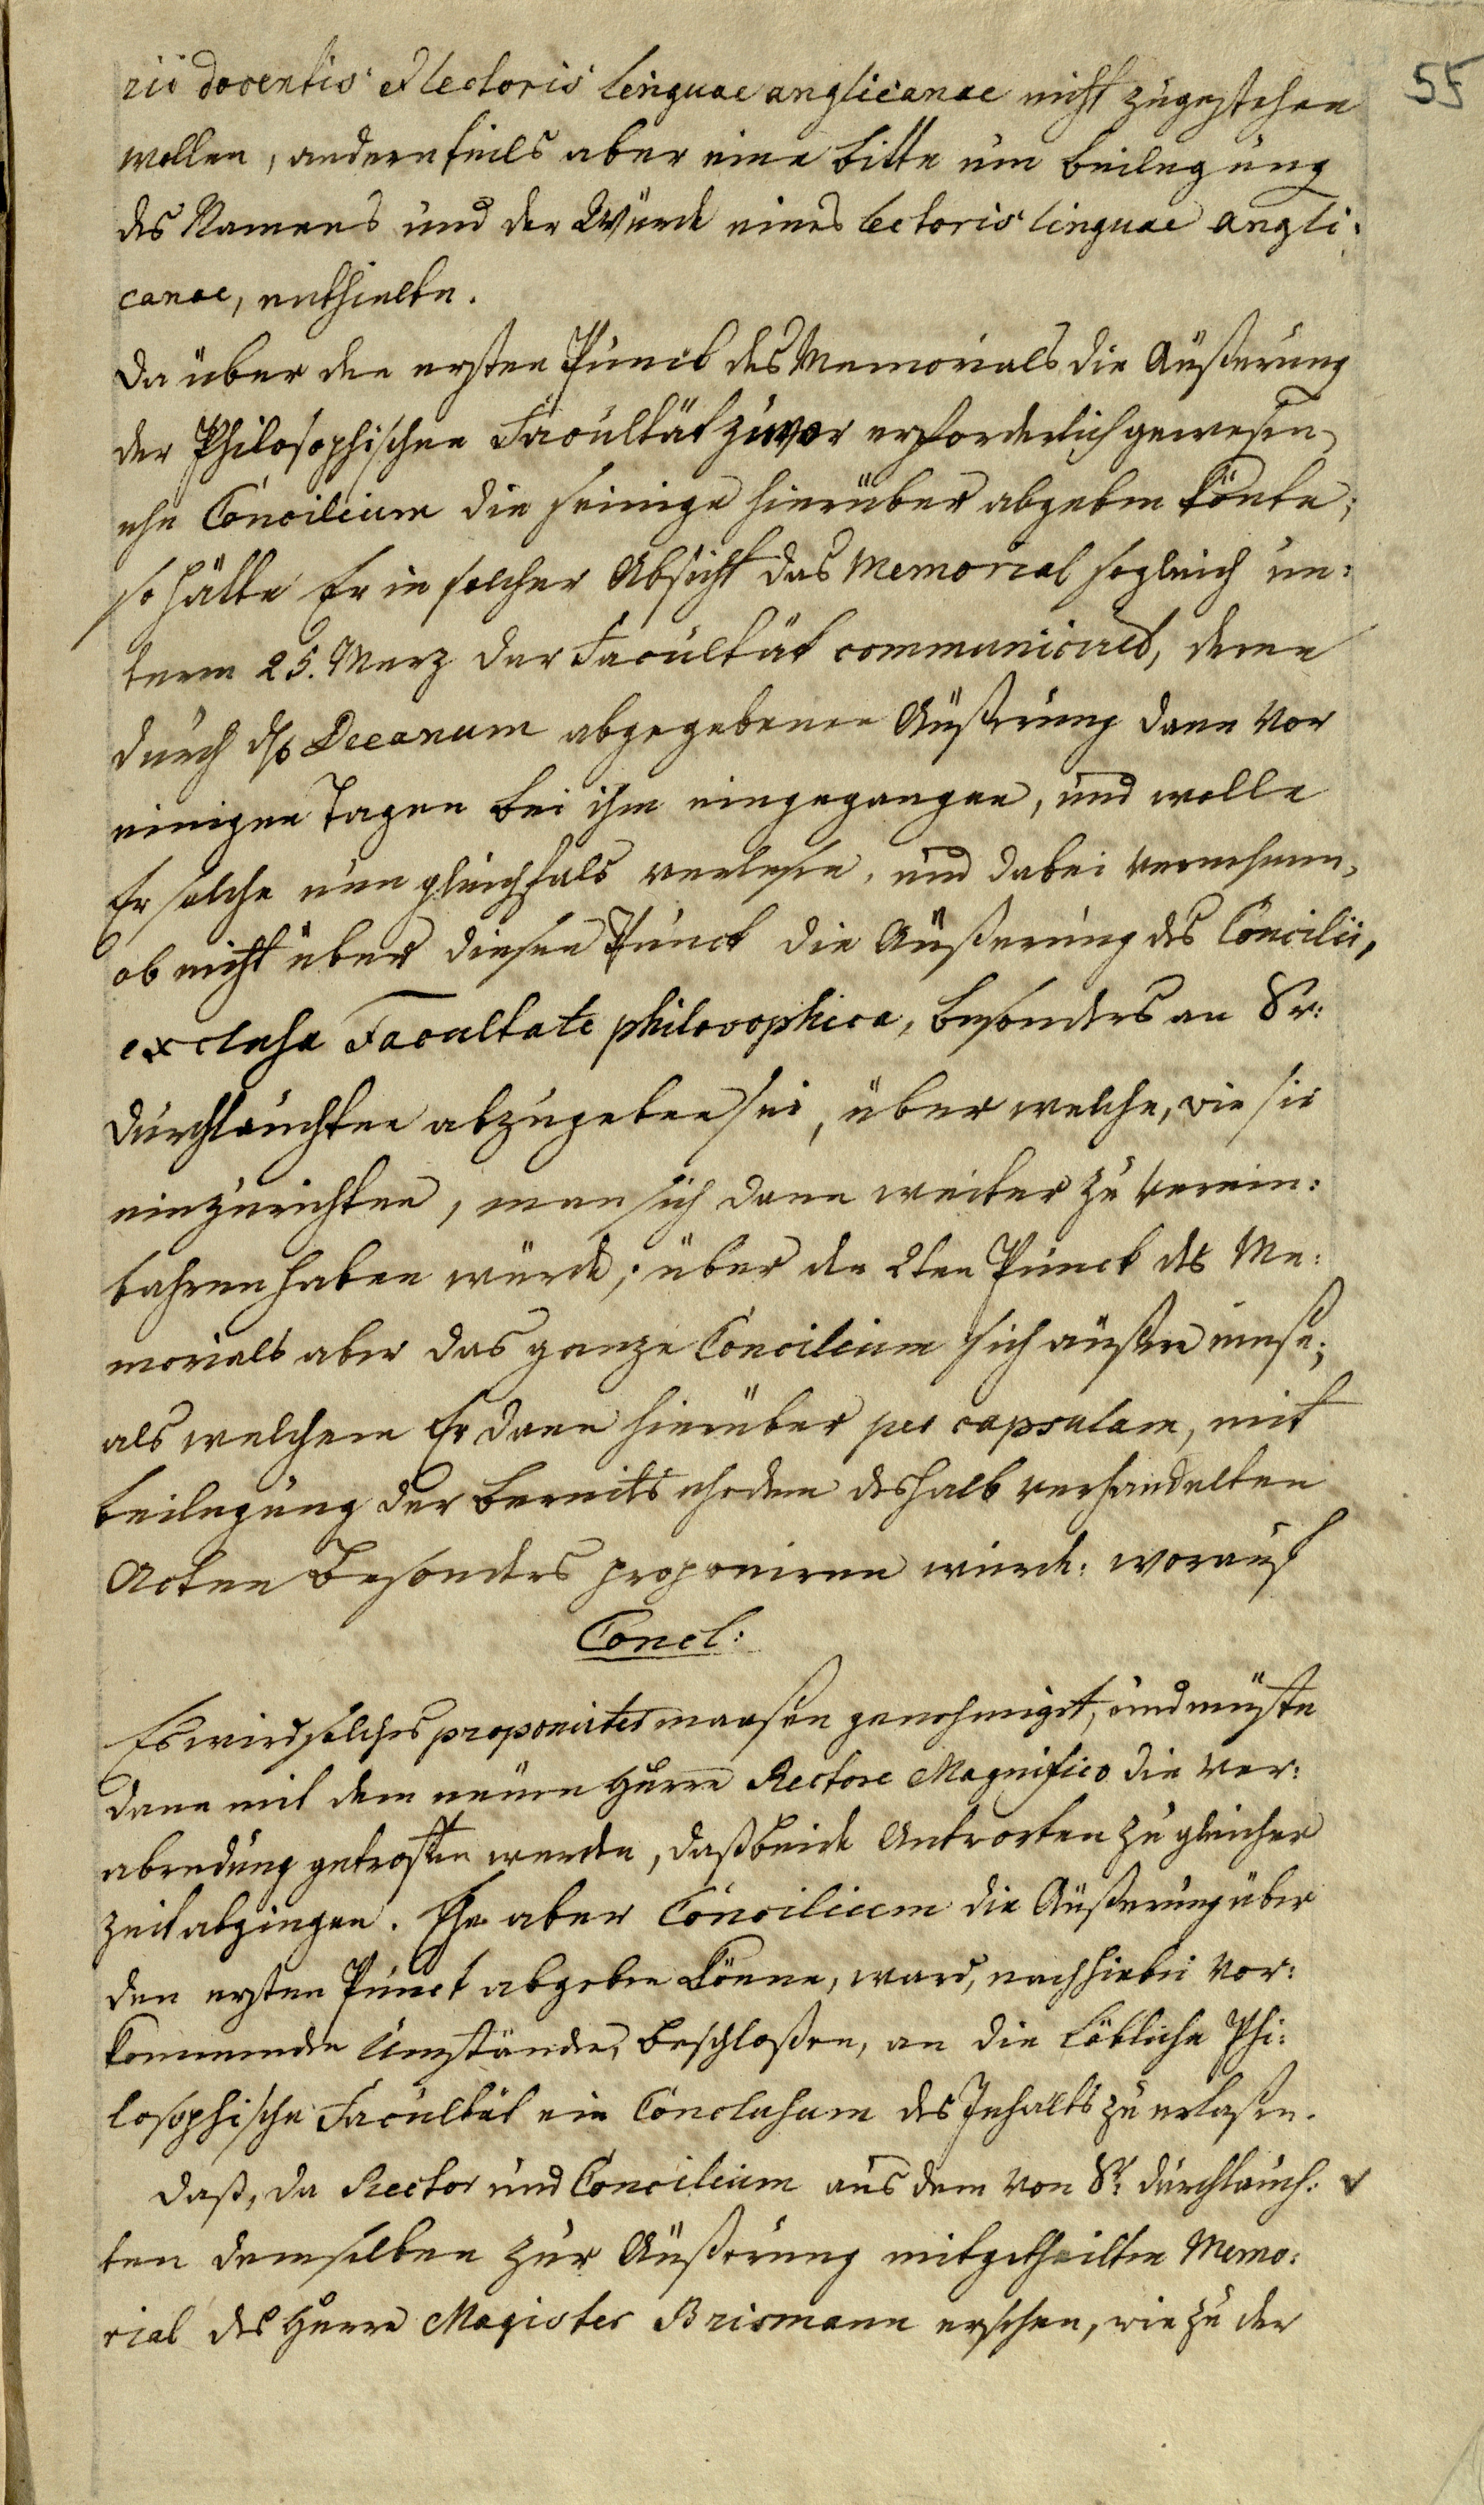rii docentis et lectoris Linguae anglicanae nicht zugestehen
wollen, andern teils aber eine Bitte um Beilegung
des Namens und der Würde eines lectoris linguae angli¬
canae, enthielte.
Da über den ersten Punct des Memorials die Äußerung
der Philosophischen Facultät zuvor erforderlich gewesen,
ehe Concilium die seinige hierüber abgeben könte;
so hätte Er in solcher Absicht das Memorial sogleich un¬
term 25. Merz der Facultät communiciret, deren
durch dh Decanum abgegebenen Äußerung dann vor
einigen Tagen bei ihm eingegangen, und wolle
Er solche nun gleichfals verlesen, und dabei vernehmen,
ob nicht über diesen Punct die Äußerung des Concilii,
exclusa Facultate philosophica, besonders an Sr
Durchlauchten abzugeben sei, über welche, wie sie
einzurichten, man sich dann weiter zu verein¬
bahren haben würde, über den 2 ten Punct des Me¬
morials aber das ganze Concilium sich äußern müße;
als welchem Er dann hierüber per capsulam, mit
Beilegung der bereits ehedem deshalb verhandelten
Acten besonders proponiren würde, worauf
Concl.
Es wird solches proponirter maaßen genehmiget, und müste
dann mit dem neuen Herrn Rectore Magnifico die Ver¬
abredung getroffen werden, daß beide Antworten zu gleicher
Zeit abgingen. Ehe aber Concilium die Äußerung über
den ersten Punct abgeben könne, ward, nach hiebei vor¬
kommenden Umständen, beschloßen, an die Löbliche Phi¬
losophische Facultät ein Conclusum des Inhalts zu erlaßen.
Daß, da Rector und Concilium aus dem von Sr Durchlauch¬
ten demselben zur Äusserung mitgetheilten Memo¬
rial des Herrn Magister Brismann ersehen, wie zu der